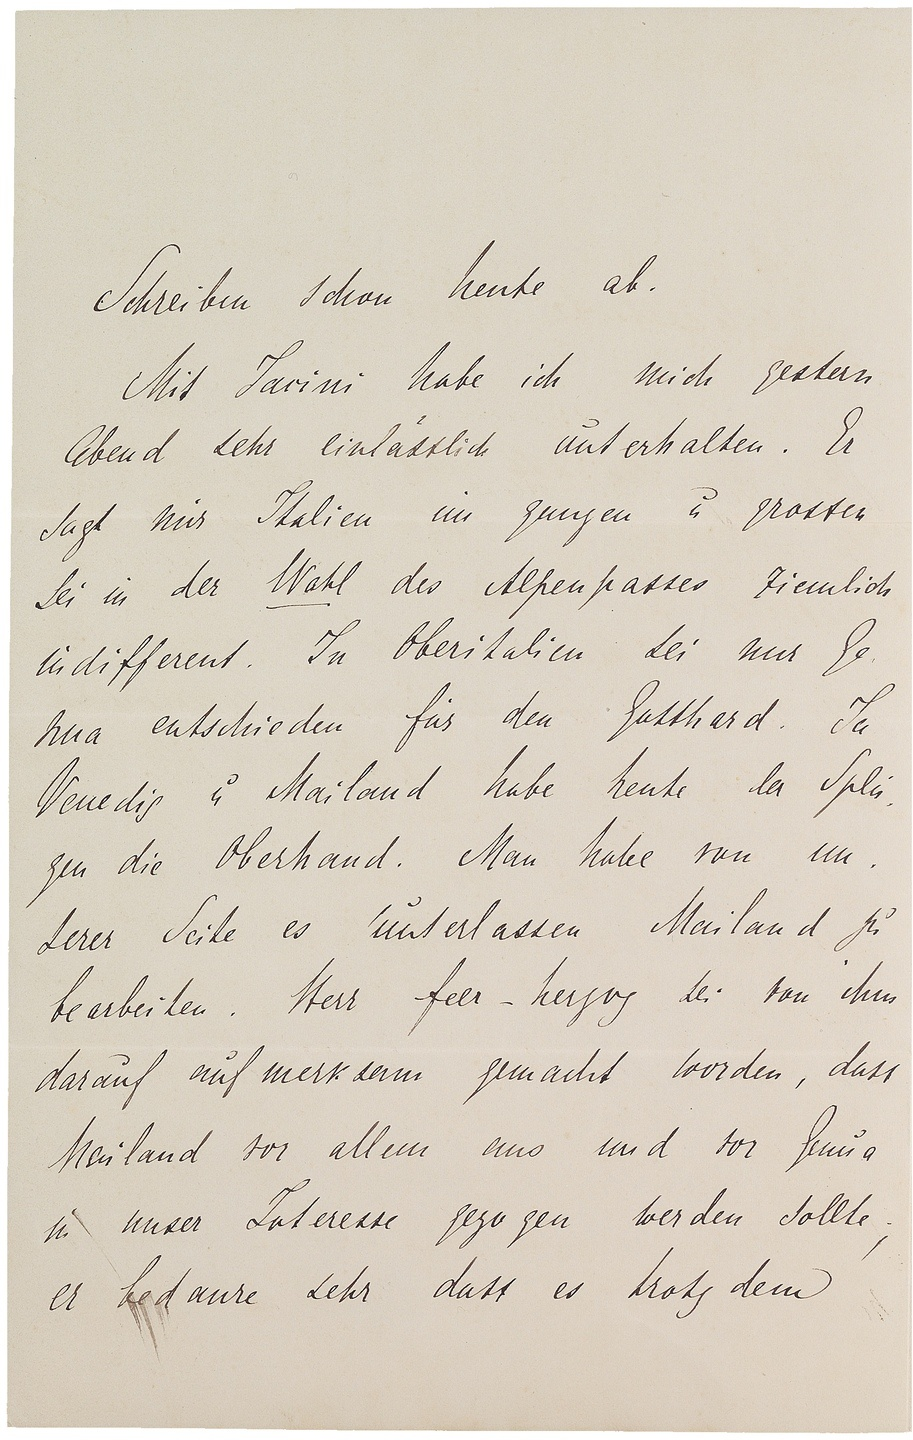Schreiben schon heute ab.
Mit Jacini habe ich mich gestern
Abend sehr einlässlich unterhalten. Er
sagt mir Italien im ganzen u grossen
sei in der Wahl des Alpenpasses ziemlich
indifferent. In Oberitalien sei nur Ge-
nua entschieden für den Gotthard. In
Venedig u Mailand habe heute der Splü-
gen die Oberhand. Man habe von un-
serer Seite es unterlassen Mailand zu
bearbeiten. Herr Feer-Herzog sei von ihm
darauf aufmerksam gemacht worden, dass
Mailand vor allem aus und vor Genua
in unser Interesse gezogen werden sollte;
er bedaure sehr dass es trotzdem